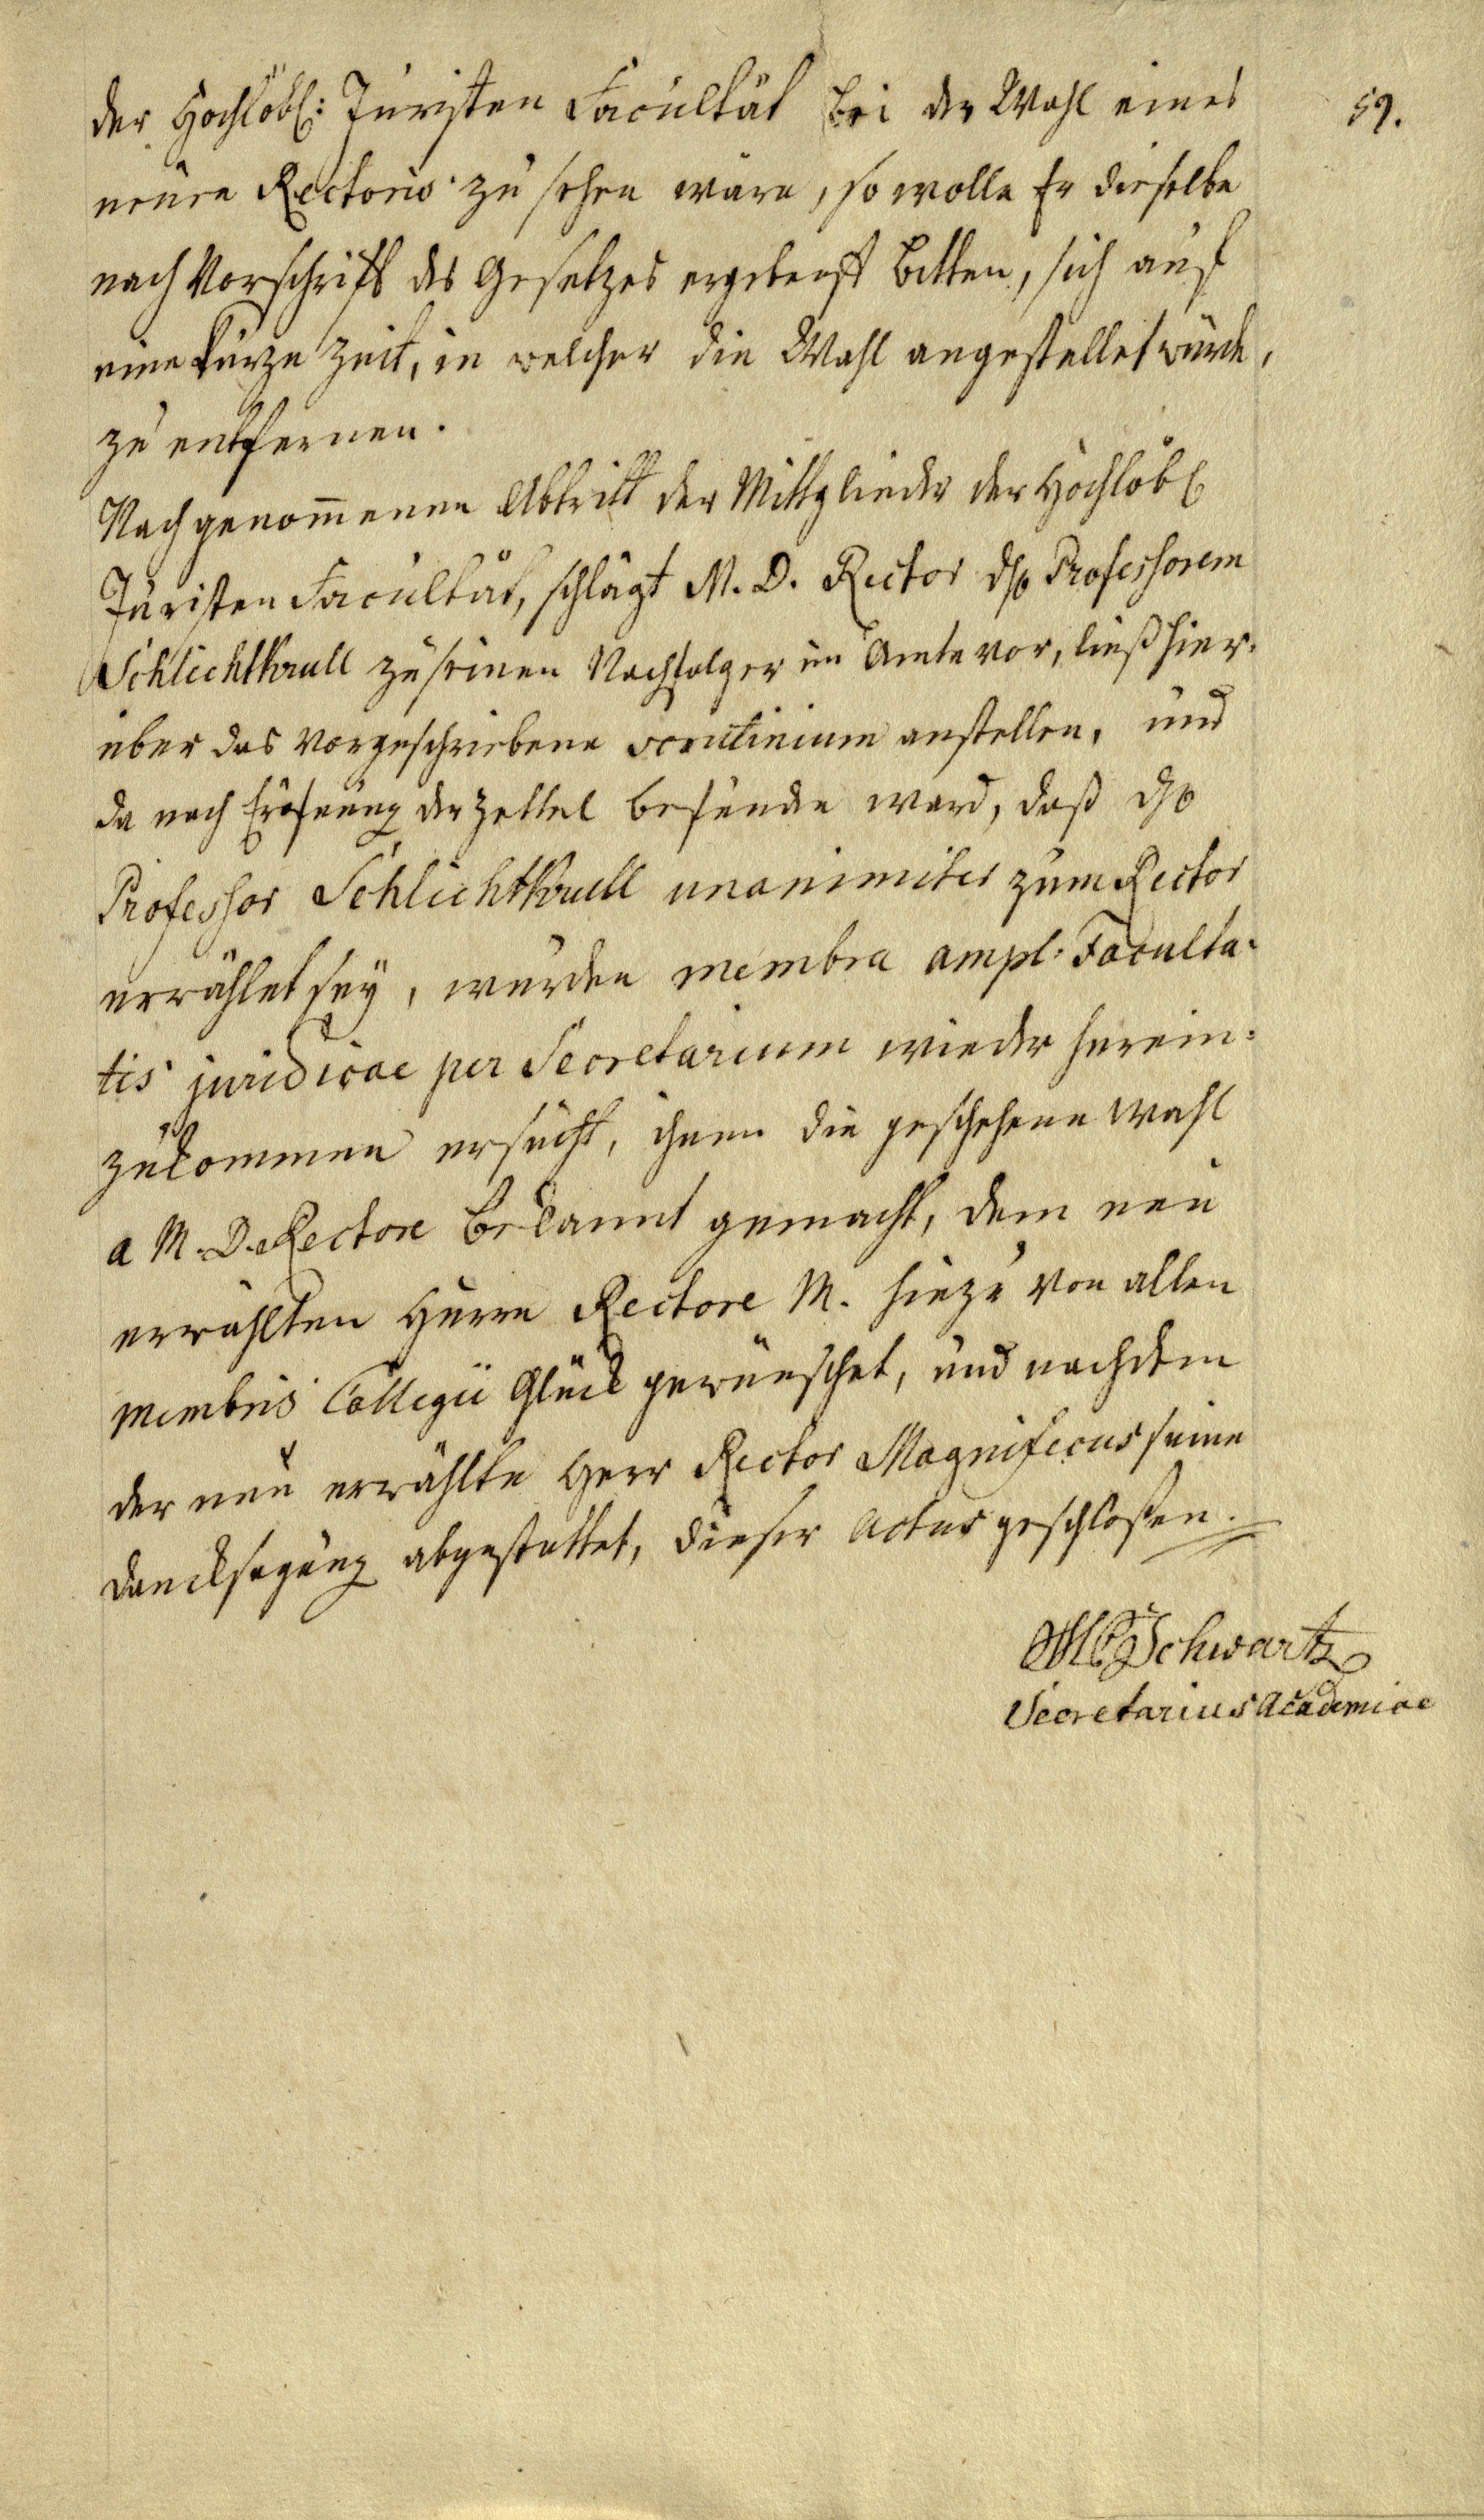der Hochlöbl. Juristen Facultät bei der Wahl eines
neuen Rectoris zu sehen wäre, so wolle Er dieselbe
nach Vorschrift des Gesetzes ergebenst bitten, sich auf
eine kurze Zeit, in welcher die Wahl angestellet würde,
zu entfernen.
Nach genomenen Abtritt der Mittglieder der Hochlöbl.
Juristen Facultät, schlägt M. D. Rector dh Professoren
Schlichtkrull zu seinen Nachfolger im Amte vor, ließ hier¬
über das vorgeschriebene scrutinium anstellen, und
da nach Eröfnung der Zettel befunden ward, daß dh
Professor Schlichtkrull unanimiter zum Rector
erwählet seÿ, wurden membra ampl. Faculta¬
tis juridicae per Secretarium wieder herein¬
zukommen ersucht, ihnen die geschehene Wahl
a. M. D. Rectore bekannt gemacht, dem neu
erwählten Herrn Rectore M. hiezu von allen
Membris Collegii Glück gewünschet, und nachdem
der neue erwählte Herr Rector Magnificus seine
Dancksagung abgestattet, dieser Actus geschloßen.
M C Schwartz
Secretarius Academiae